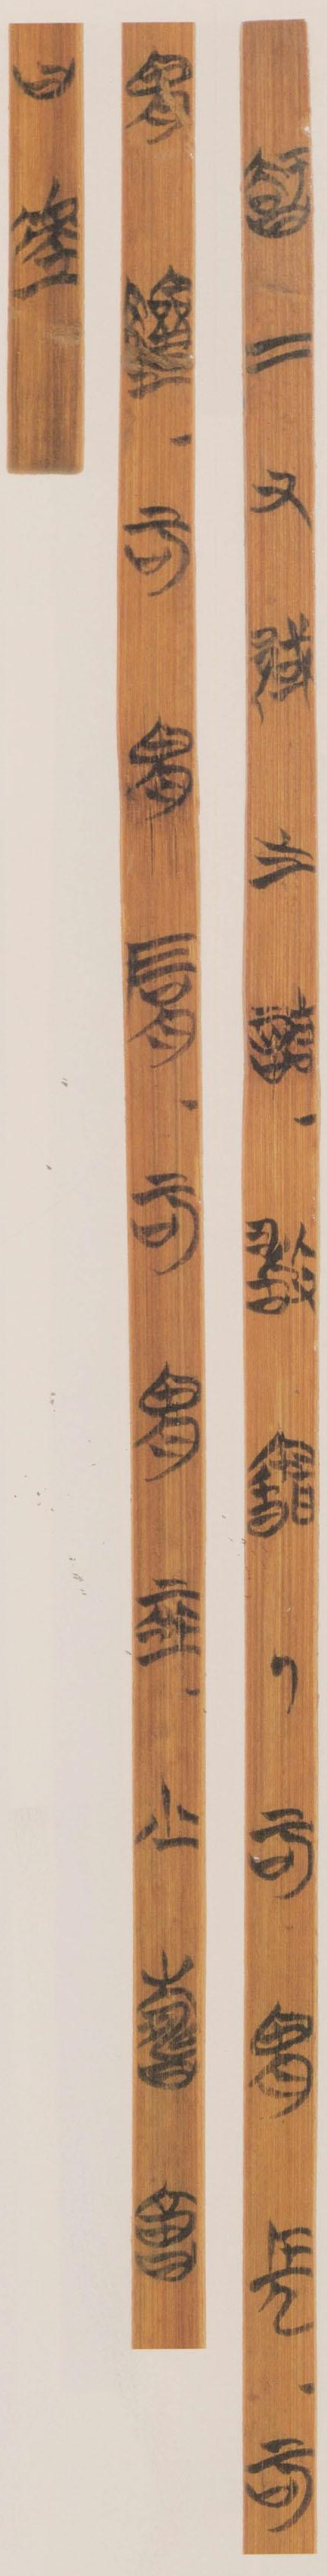智二又{或阝}之請敢{尒䎽}人可胃長可胃險可胃{厂肙}可胃亞少壽會[合]曰𫊟
